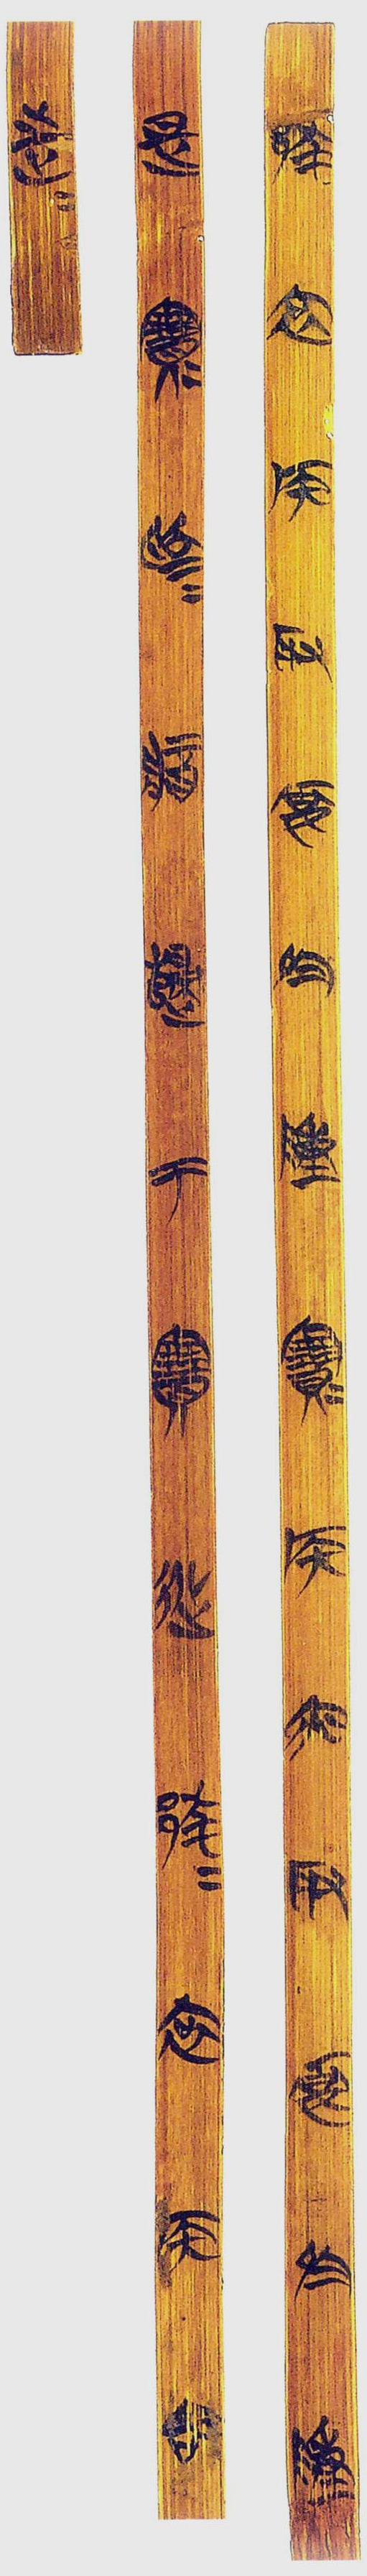○（蔡）哀侯取妻於陳賽=侯亦取妻於陳是賽=爲=𨟻歸于賽{辶化}○（蔡）哀侯命{之止}
